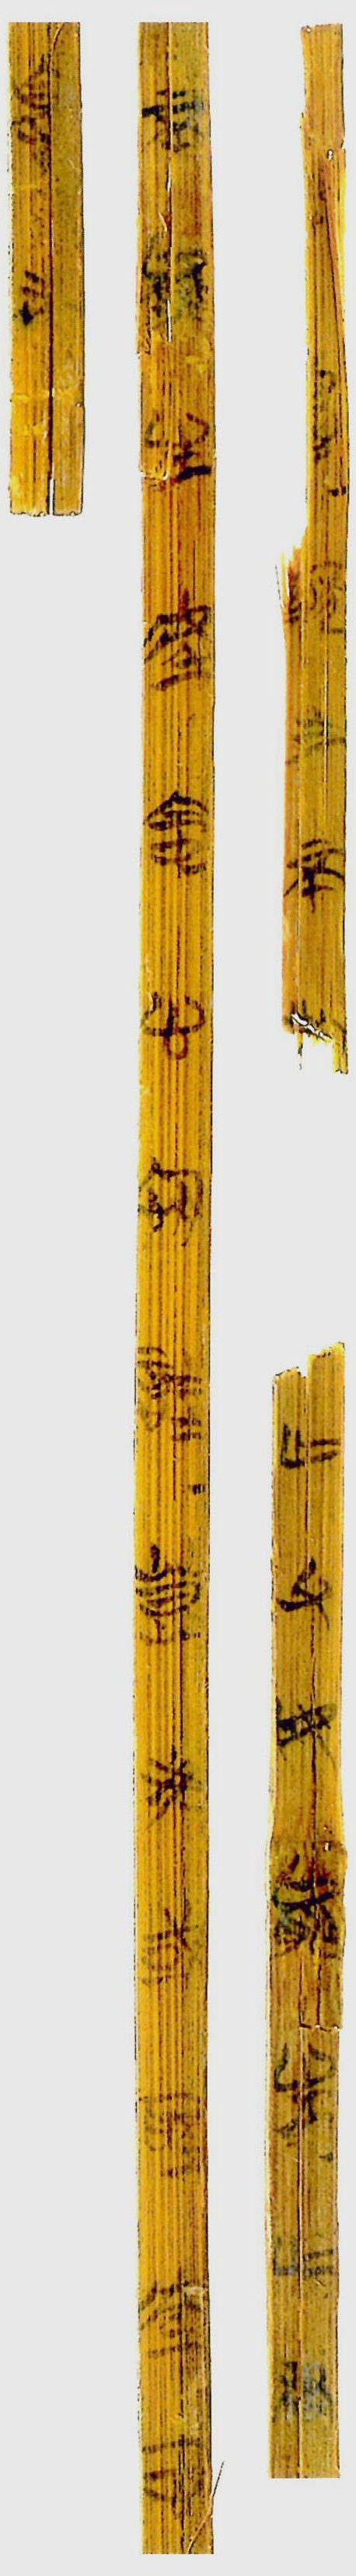不快戾之不□□亡父母能生亡君不能生𫊟（吾）{宀𠁩}（仲）心念詿莫我或聖𫊟（吾）{工心}辠之
